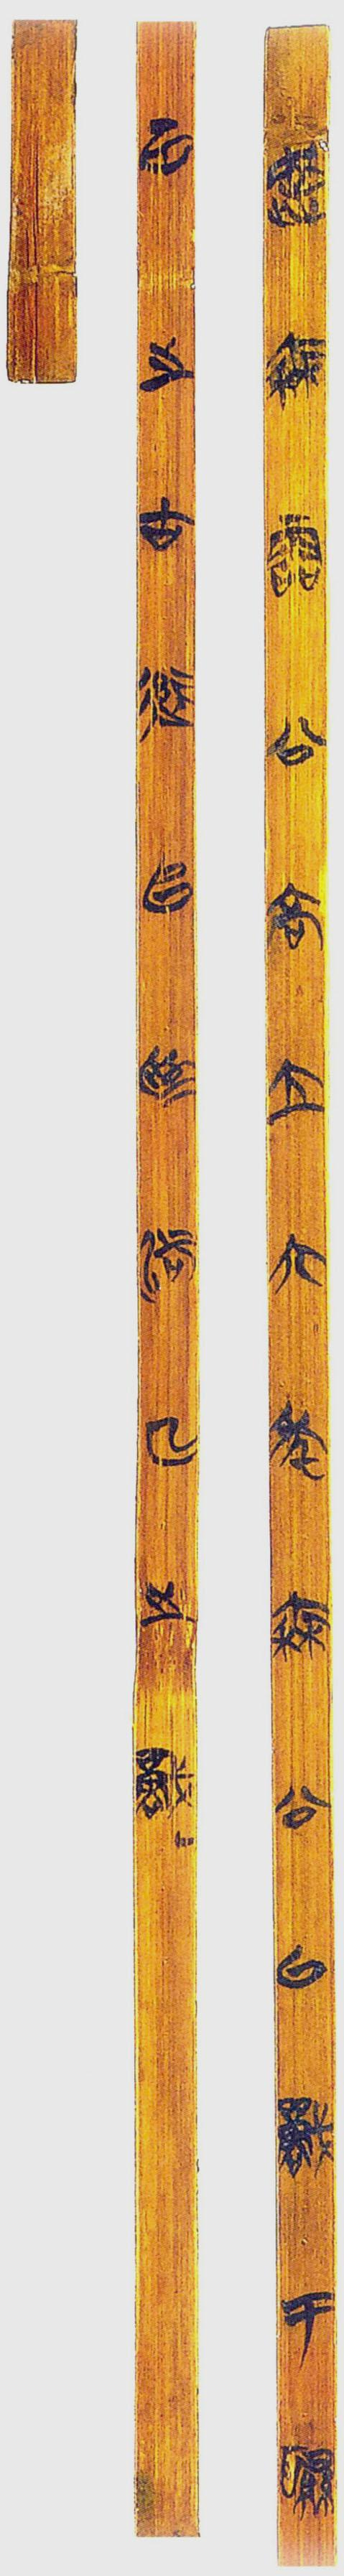奔秦霝公高立六年秦公㠯（以）戰于{耳㬎}{云山}之故率𠂤爲河曲之戰
